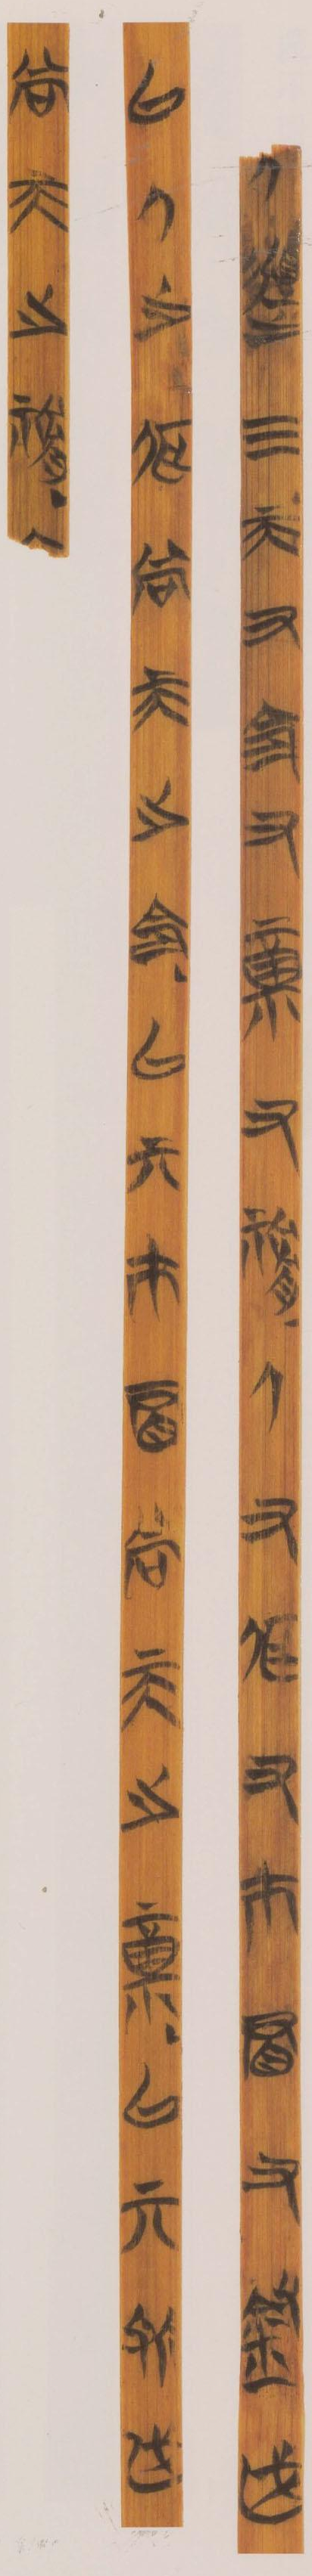人道三天又命又福又禍人又佴又巿冒又{金父}戉㠯（以）人之佴尚天之命㠯（以）亓巿冒尚天之福㠯（以）亓斧戉尚天之禍□
